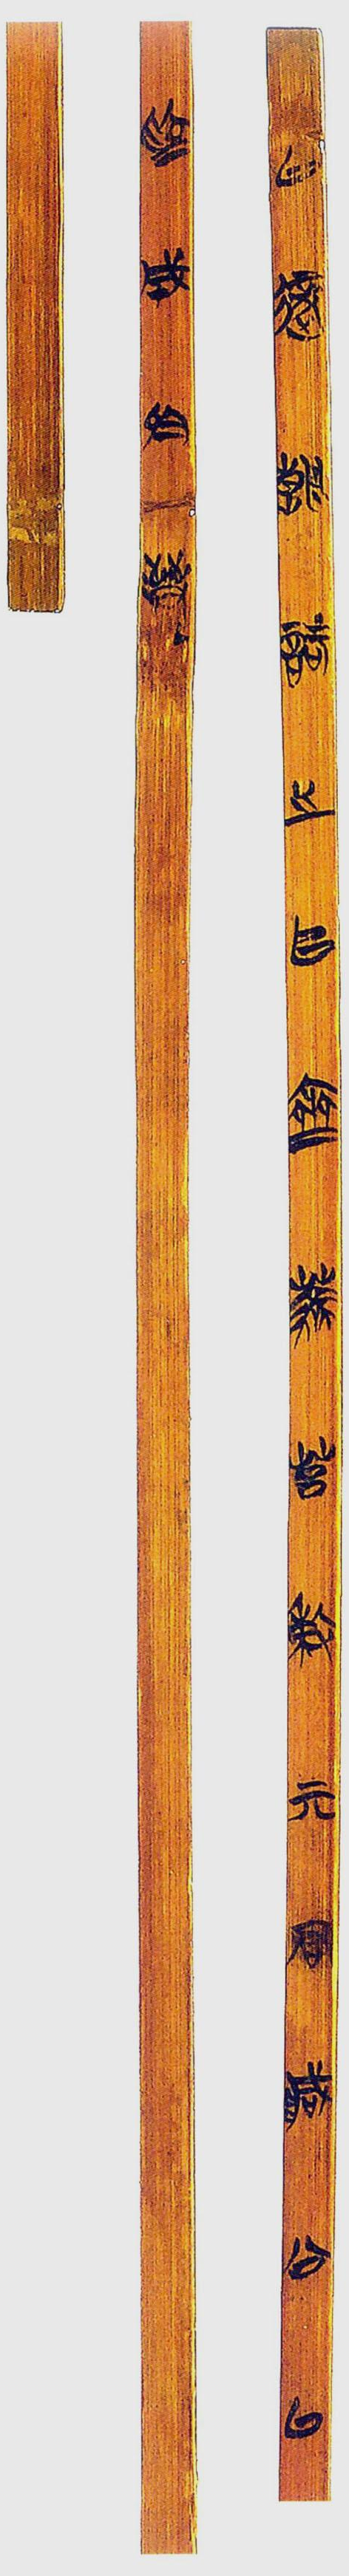㠯（以）復朝訶之𠂤齊蓑芧殺亓君戕公㠯（以）爲成於晉
